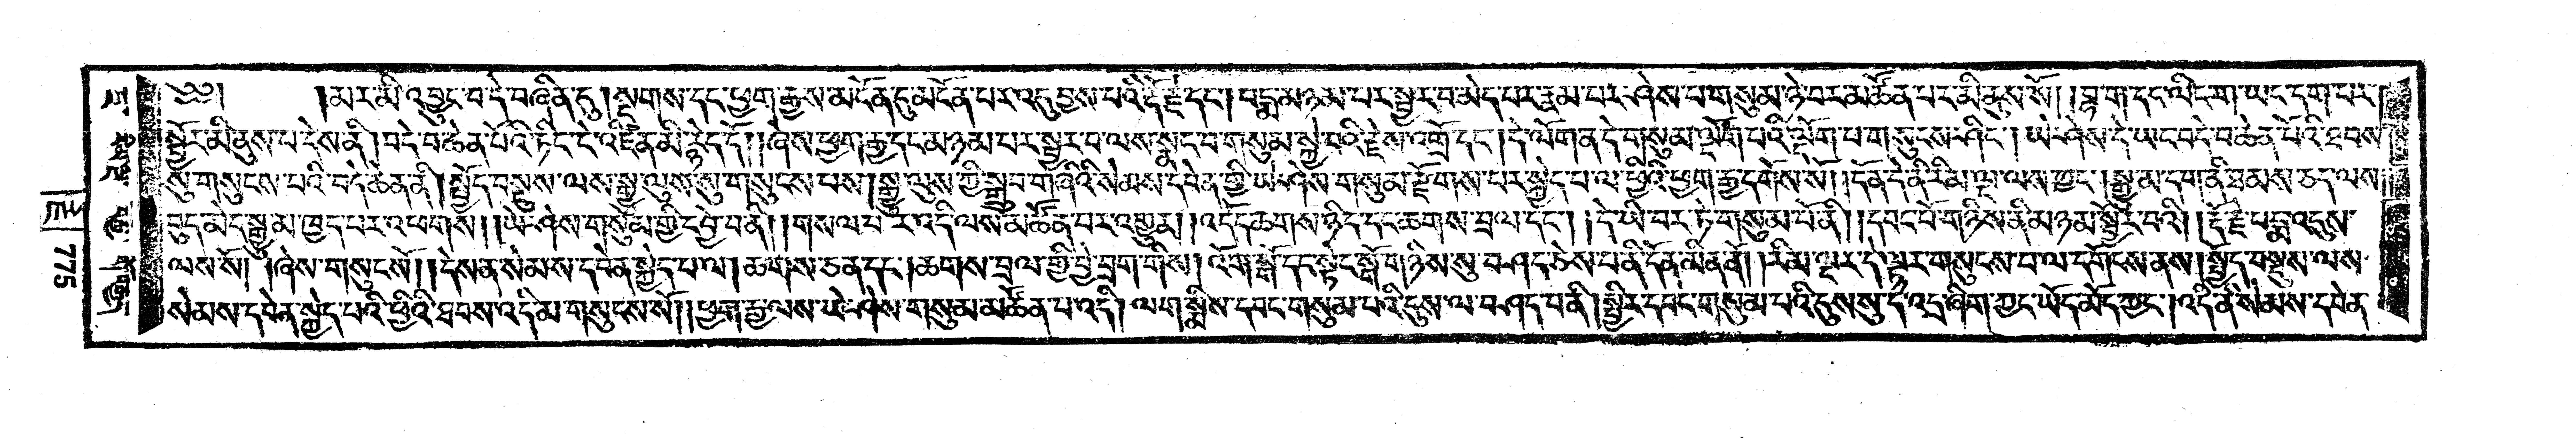༄༅། །མར་མི་འབྱུང་བ་དེ་བཞིན་དུ། སྔགས་དང་ཕྱག་རྒྱས་མངོན་དུ་མངོན་པར་འདུ་བྱས་པའི་རྡོ་རྗེ་དང་། པདམ་མཉམ་པར་སྦྱར་བ་མེད་པར་རྣམ་པར་ཤེས་པ་གསུམ་ཉེ་བར་མཚོན་པར་མི་ནུས་སོ། །བྷ་ག་དང་ལིང་ག་ཡང་དག་པར་
སྦྱོར་མི་ནུས་པ་དེས་ནི། བདེ་བ་ཆེན་པོའི་ཏིང་ངེ་འཛིན་མི་རྙེད་དོ། །ཞེས་ཕྱག་རྒྱ་དང་མཉམ་པར་སྦྱར་བ་ལས་སྣང་བ་གསུམ་སྐྱེ་བའི་རྗེས་འགྲོ་དང་། དེ་ལོག་ན་དེ་གསུམ་ལྡོག་པའི་ལྡོག་པ་གསུངས་ཤིང་། ཡེ་ཤེས་དེ་ཡང་བདེ་བ་ཆེན་པོའི་ཐབས་
སུ་གསུངས་པའི་བདེ་ཆེན་ནི། སྤྱོད་བསྡུས་ལས་སྒྱུ་ལུས་སུ་གསུངས་པས། སྒྱུ་ལུས་ཀྱི་སྒྲུབ་གཞིའི་སེམས་དབེན་གྱི་ཡེ་ཤེས་གསུམ་རྫོགས་པར་སྐྱེད་པ་ལ་ཕྱིའི་ཕྱག་རྒྱ་དགོས་སོ། །དོན་དེ་ནི་རིམ་ལྔ་ལས་ཀྱང་། སྒྱུ་མ་དག་ནི་ཐམས་ཅད་ལས། །
བུད་མེད་སྒྱུ་མ་ཁྱད་པར་འཕགས། །ཡེ་ཤེས་གསུམ་གྱི་དབྱེ་བ་ནི། །གསལ་བར་ར་འདི་ལས་མཚོན་པར་འགྱུར། །འདོད་ཆགས་ཉིད་དང་བྖགས་བྲལ་དང་། །དེ་ཡི་བར་ཏེ་གསུམ་པོ་ནི། །དབང་པོ་གཉིས་ནི་མཉམ་སྦྱོར་བའི། །རྡོ་རྗེ་པདམ་འདུས་
ལས་སོ། །ཞེས་གསུངས་སོ། །དེས་ན་སེམས་དབེན་སྐྱེད་པ་ལ། ཆགས་ཅན་དང་། ཆགས་བྲལ་གྱི་བྱེ་བྲག་གིས། འོག་སྒོ་དང་སྟེང་སྒོ་གཉིས་སུ་བཤད་ཅེས་པ་ནི་དོན་མིན་ནོ། །རིམ་ལྔར་དེ་ལྟར་གསུངས་པ་ལ་དགོངས་ནས། སྤྱོད་བསྡུས་ལས་
སེམས་དབེན་སྐྱེད་པའི་ཕྱིའི་ཐབས་འདི་མ་གསུངས་སོ། །ཕྱག་རྒྱ་ལས་ཡེ་ཤེས་གསུམ་མཚོན་པ་འདི། ལག་སྨིས་དབང་གསུམ་པའི་དུས་ལ་བཤད་པ་ནི། སྤྱིར་དབང་གསུམ་པའི་དུས་སུ་དེ་འདྲ་ཞིག་ཀྱང་ཡོད་མོད་ཀྱང་། འདི་ནི་སེམས་དབེན་